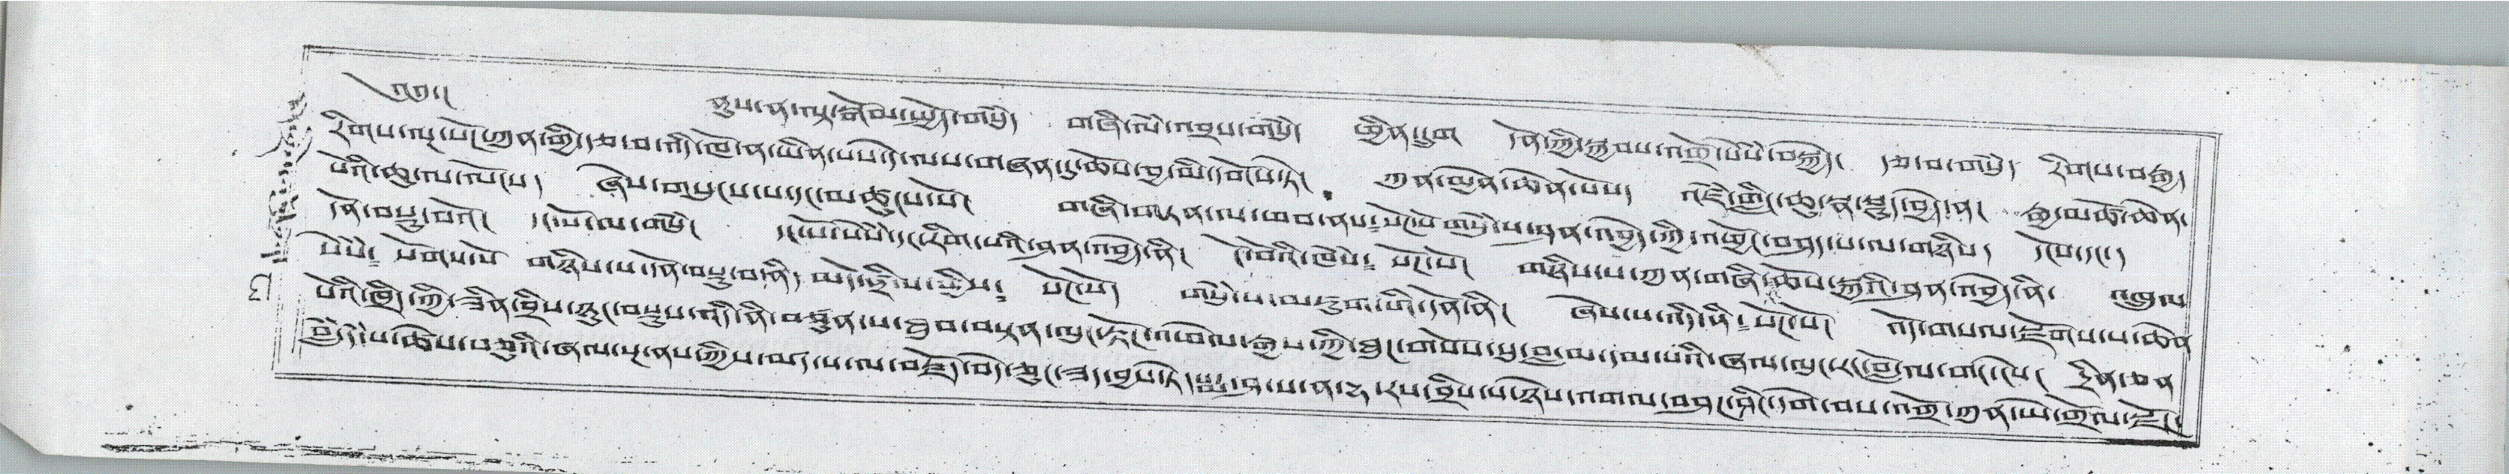ནུས་ན་ལྟ་སྒོམ་སྤྱོད་གསུམ། ལྟ་སྒོམ་སྤྱོད་གསུམ། ཕྱིན་དྲུག དོན་གྱི་སྐྱབས་འགྲོ་སེམས་བསྐྱེད། རྩ་བ་གསུམ། རིགས་བརྒྱད། 
རིགས་ལྔ་སོགས་ཀུན་གྱི་རྩ་བ་འདི་ཁོ་ན་ཡིན་པས་དེ་ལས་གཞན་དུ་ཆོས་བྱ་མི་དགོས་ཏེ། ཀུན་མཁྱེན་ཆེན་པོས། འཛམ་གླིང་ཆུ་སྣ་སྡུད་བྱེད་ན། རྒྱ་མཚོ་ཆེན་
པོའི་ཆུ་ལ་ལོངས། ཞེས་གསུངས་པ་དང་མཚུངས་སོ། གཞི་གཏན་ལ་ཕབ་ནས་སོགས། གསུམ་པ་ཤན་འབྱེད་ཀྱི་འཕྱོངས་བཤད་པ་ལ་གཉིས། དངོས་དང་
དོན་བསྡུ་བའོ། དང་པོ་ལ་གསུམ། དང་པོ་སེམས་དང་རིག་པའི་ཤན་འབྱེད་ནི། ངོ་བོའི་ཁམས་སོགས་སོ། གཉིས་པ་ཀུན་གཞི་ཆོས་སྐུའི་ཤན་འབྱེད་ནི། འཁྲུལ་
སེམས་སོགས་སོ། གཉིས་པ་དོན་བསྡུ་བ་ནི། མདོ་ཧྲིལ་གྱིས་སོགས་སོ། གསུམ་པ་མཇུག་གི་དོན་ནི། ཞེས་པ་འདི་ནི་སོགས་སོ། འོད་གསལ་རྫོགས་པ་ཆེན་
པོའི་ཁྲིད་ཀྱི་ཟིན་བྲིས་ཉུང་བསྡུས་འདི་ནི་བཙུན་པ་ཐུབ་བསྟན་ལུང་རྟོགས་འཕེལ་རྒྱས་ཀྱི་ཐུགས་གསོས་སུ་བླ་མ་དམ་པའི་ཞལ་ལུང་རང་བློ་ལ་གང་ངེས། དྲིན་ཅན་
བླ་མ་དམ་པ་ཚེས་བཅུའི་ཞལ་སྔ་ནས་ཀྱིས་མཛད་པ་ལ་བརྗོད་བདེ་ཅུང་ཟད་བྱས་ཏེ་པདྨ་ཤ་ས་ན་དྷ་རས་བྲིས་པ་ཉེས་འགལ་བཤགས་ཤིང་དགེ་བས་འགྲོ་ཀུན་ཡེ་གྲོལ་རྫོགས་